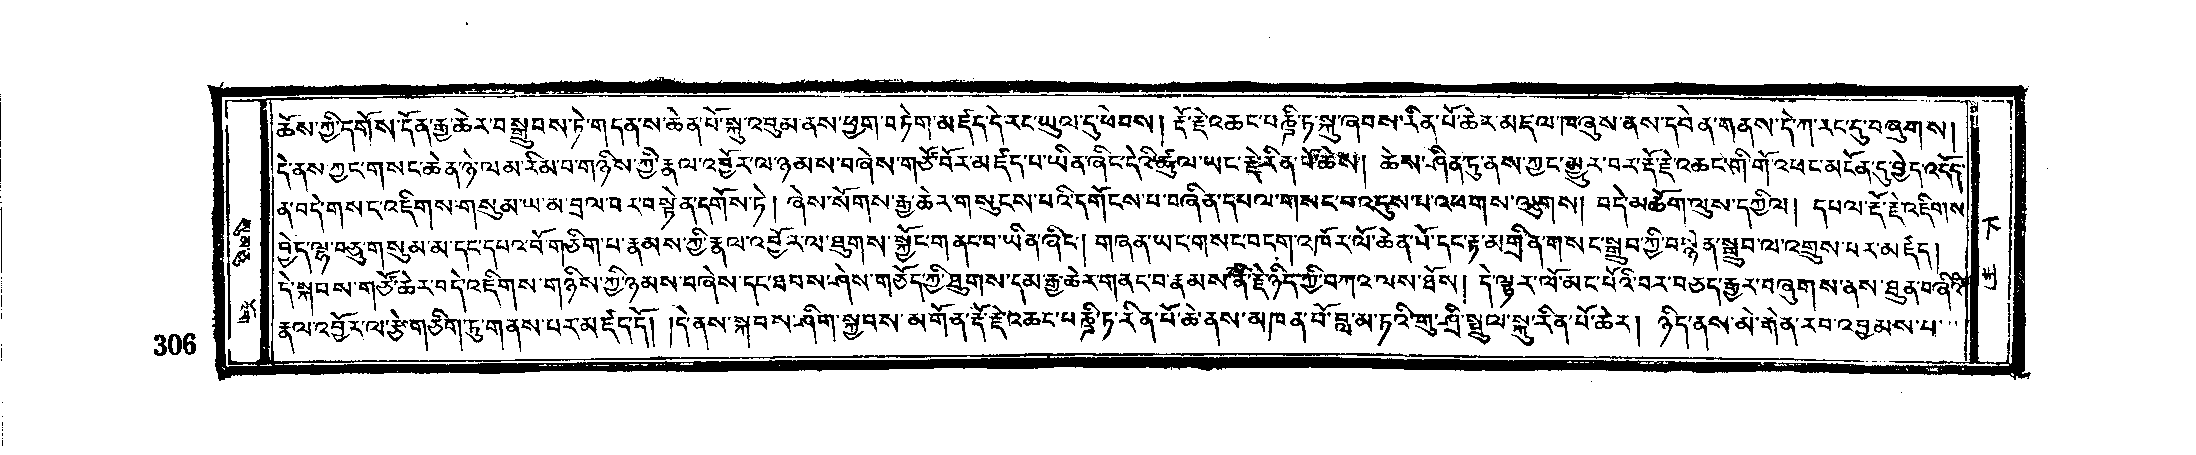ཆོས་ཀྱི་དགོས་དོན་རྒྱ་ཆེར་བསྒྲུབས་ཏེ་གདན་ས་ཆེན་པོ་སྐུ་འབུམ་ནས་ཕྱག་བཏེག་མཛད་དེ་རང་ཡུལ་དུ་ཕེབས། རྡོ་རྗེ་འཆང་པཎྜི་ཏ་སྐུ་ཞབས་རིན་པོ་ཆེར་མཇལ་ཁ་ཞུས་ནས་དབེན་གནས་དེ་ཀ་རང་དུ་བཞུགས།
དེ་ནས་ཀྱང་གསང་ཆེན་ཉེ་ལམ་རིམ་པ་གཉིས་ཀྱི་རྣལ་འབྱོར་ལ་ཉམས་བཞེས་གཙོ་བོར་མཛད་པ་ཡིན་ཞིང་དེའི་ཚུལ་ཡང་རྗེ་རིན་པོ་ཆེས། ཆེས་ཤིན་ཏུ་ནས་ཀྱང་མྱུར་བར་རྡོ་རྗེ་འཆང་གི་གོ་འཕང་མངོན་དུ་བྱེད་འདོད་
ན་བདེ་གསང་འཇིགས་གསུམ་ཡ་མ་བྲལ་བར་བསྟེན་དགོས་ཏེ། ཞེས་སོགས་རྒྱ་ཆེར་གསུངས་པའི་དགོངས་པ་བཞིན་དཔལ་གསང་བ་འདུས་པ་འཕགས་ལུགས། བདེ་མཆོག་ལུས་དཀྱིལ། དཔལ་རྡོ་རྗེ་འཇིགས་
བྱེད་ལྷ་བཅུ་གསུམ་མ་དང་དཔའ་བོ་གཅིག་པ་རྣམས་ཀྱི་རྣལ་འབྱོར་ལ་ཐུགས་སྐྱོང་གནང་བ་ཡིན་ཞིང་། གཞན་ཡང་གསང་བདག་འཁོར་ལོ་ཆེན་པོ་དང་རྟ་མགྲིན་གསང་སྒྲུབ་ཀྱི་བསྙེན་སྒྲུབ་ལ་འགྲུས་པར་མཛད།
དེ་སྐབས་གཙོ་ཆེར་བདེ་འཇིགས་གཉིས་ཀྱི་ཉམས་བཞེས་དང་ཐབས་ཤེས་གཅོད་ཀྱི་ཐུགས་དམ་རྒྱ་ཆེར་གནང་བ་རྣམས་ནི་རྗེ་ཉིད་ཀྱི་བཀའ་ལས་ཐོས། དེ་ལྟར་ལོ་མང་པོའི་བར་བཅད་རྒྱར་བཞུགས་ནས་ཐུན་བཞིའི་
རྣལ་འབྱོར་ལ་རྩེ་གཅིག་ཏུ་གནས་པར་མཛད་དོ། །དེ་ནས་སྐབས་ཤིག་སྐྱབས་མགོན་རྡོ་རྗེ་འཆང་པཎྜི་ཏ་རིན་པོ་ཆེ་ནས་མཁན་པོ་བླ་མ་ཏའི་གུ་ཤྲི་སྤྲུལ་སྐུ་རིན་པོ་ཆེར། ཉིད་ནས་མེ་རྒེན་རབ་འབྱམས་པ་